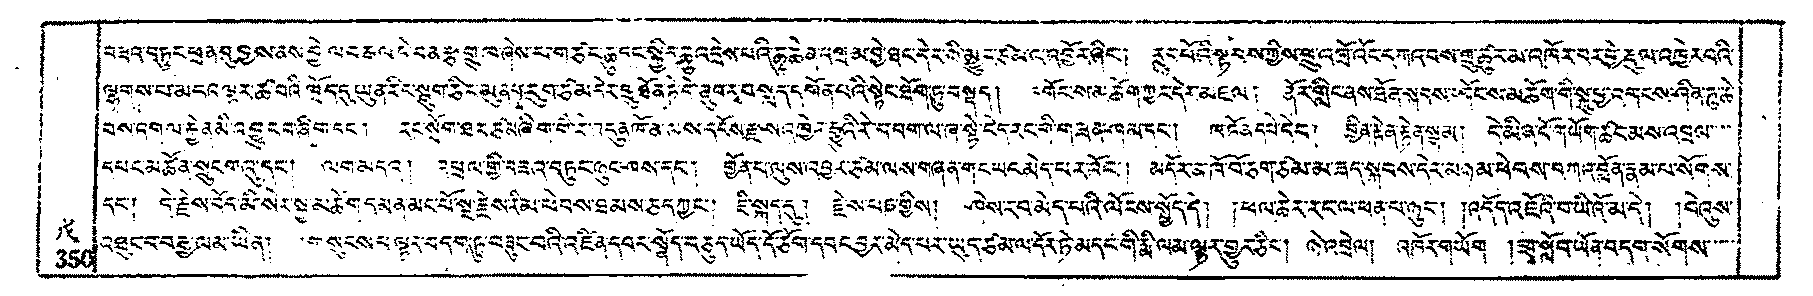བཟའ་བཏུང་ཕྲན་བུ་བྱས་ནས་བྱེ་ལ་བརྒལ་ཏེ་བན་རྩ་གྲུ་ཁ་ཞེས་པ་གཙང་ཆུ་དང་སྐྱིད་ཆུ་འདྲེས་པའི་ཆུ་ཆེན་འགྲམ་བྱེ་ཐང་དེར་ཉི་མྱུར་ཙམ་ལ་འབྱོར་ཞིང་། རླུང་པོའི་སྟབས་ཀྱིས་གྲུ་འགྲོ་འོང་དཀའ་བས་གྲུ་ཚུར་མ་འཁོར་བར་བྱེ་རྡུལ་འཁྱེར་བའི་
ལྷགས་པ་མདའ་ལྟར་ཚ་བའི་ཁྲོད་དུ་ཡུན་རིང་སྒུག་ཅིང་མུན་པ་མ་རུབ་ཙམ་དེར་གྲུ་ཐོན་ཏེ་དེ་ནུབ་རྭ་བ་སྨད་དགོན་པའི་སྟེང་ཐོག་ཏུ་བསད། ༧གོང་ས་མཆོག་ཀྱང་དེར་མཇལ། ནོར་གླིང་ནས་ཐོན་སྐབས་༧གོང་ས་མཆོག་གི་སྐུ་ཕྱ་འགངས་ཤིན་ཏུ་ཆེ་
བས་འགལ་རྐྱེན་མི་འབྱུང་བ་ཞིག་དང་། རང་སྲོག་ཐར་ཙམ་ཞིག་གི་རེ་འདུན་ཁོ་ན་ལས་དངོས་རྫས་འཁྱེར་རྒྱུའི་རེ་བ་བག་ལ་ཞ་སྟེ་ངེད་རང་གི་གཟན་ཤམ་དང་། ཁ་ཏོན་དཔེ་དེབ། བྱིན་རྟེན་རྟེན་སྒམ། དེ་མིན་ངོ་གཡོག་ཚང་མས་འབྲལ་
དཔང་མཚོན་སྲུང་གའུ་དང་། ལག་མདའ། འཕྲལ་གྱི་བཟའ་བཏུང་ཉུང་ཤས་དང་། གྱོན་པ་ལུས་འབྱར་ཙམ་ལས་གཞན་གང་ཡང་མེད་པར་འོང་། མདོར་ན་ཁོ་བོ་ཅག་ཙམ་མ་ཟད་སྐབས་དེར་མཉམ་ཕེབས་བཀའ་བློན་རྣམ་པ་སོགས་
དང་། དེ་རྗེས་བོད་མི་སེར་སྐྱ་མཆོག་དམན་མང་པོ་སྔ་རྗེས་རིམ་ཕེབས་ཐམས་ཅད་ཀྱང་། ཇི་སྐད་དུ། རྗེས་པཎ་གྱིས། ཤེས་རབ་མེད་པའི་ལོངས་སྤྱོད་དེ། །ཕལ་ཆེར་རང་ལ་ཕན་པ་ཉུང་། །འདོད་འཇོའི་བ་ཡི་འོ་མ་དེ། །བེའུས་
འཐུང་བ་བརྒྱ་ལམ་ཡིན། །གསུངས་པ་ལྟར་བདག་ཏུ་བཟུང་བའི་འཛིན་དབང་སྣོད་བཅུད་ཡོད་དོ་ཅོག་དབང་བྱར་མེད་པར་ཡུད་ཙམ་ལ་དོར་ཏེ་མདང་གི་རྨི་ལམ་ལྟར་གྱུར་ཅིང་། ཉེ་འབྲེལ། འཁོར་གཡོག །གྲྭ་སློབ་ཡོན་བདག་སོགས་